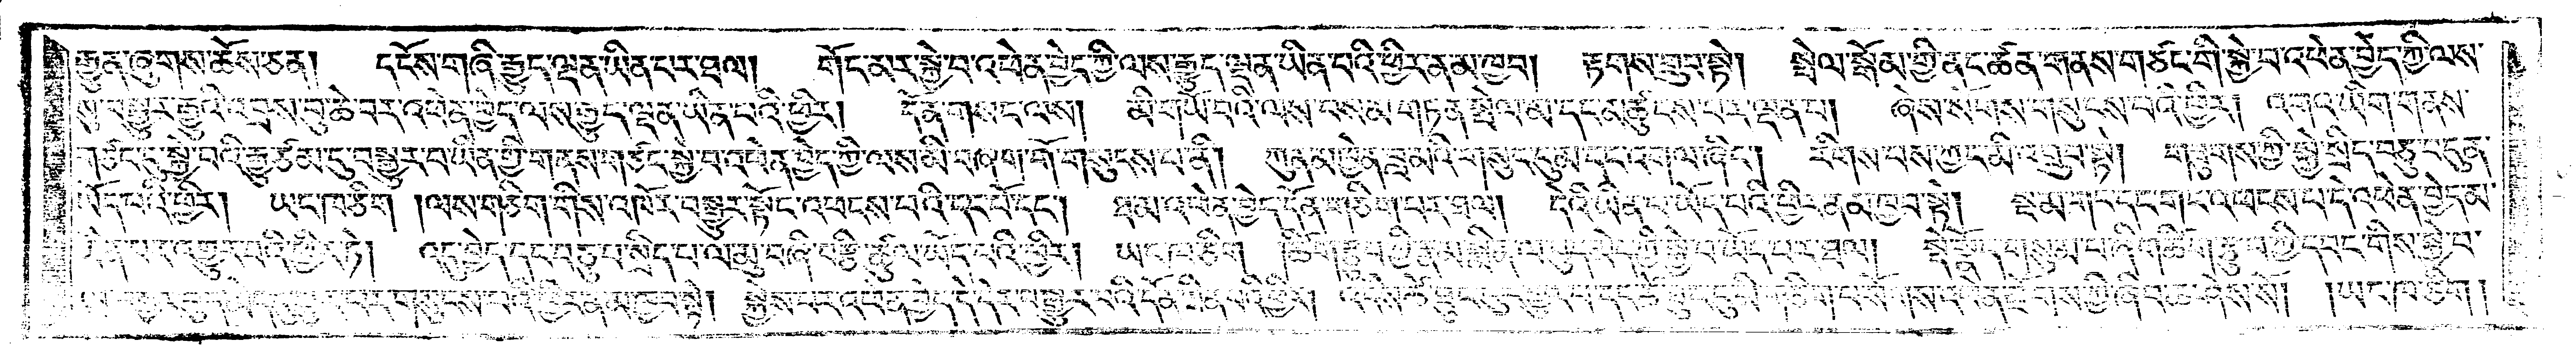རྒྱུན་ཞུགས་ཆོས་ཅན། དངོས་གཞི་རྒྱུད་ལྡང་ཡིན་པར་ཐལ། གོང་མར་སྐྱེ་བ་འཕེན་བྱེད་ཀྱི་ལས་རྒྱུད་ལྡན་ཡིན་པའི་ཕྱིར་ན་མ་ཁྱབ། རྟགས་གྲུབ་སྟེ། སྤེལ་སྒོམ་གྱི་ནང་ཚན་གནས་གཙང་གི་སྐྱེ་བ་འཕེན་བྱེད་ཀྱི་ལས་
སུ་བསྒྱུར་རྒྱུའི་འབྲས་བུ་ཆེ་བར་འཕེན་བྱེད་ལས་རྒྱུད་ལྡན་ཡིན་པའི་ཕྱིར། དོན་གསང་ལས། མི་གཡོ་བའི་ལས་བསམ་གཏན་སྤེལ་མ་དང་མཚུངས་པར་ལྡན་པ། ཞེས་སོགས་གསུངས་པའི་ཕྱིར། འགའ་ཡིག་གནས་
གཙང་དུ་སྐྱེ་བའི་རྒྱུ་ཙམ་དུ་བསྒྱུར་བ་ཡིན་གྱི་གནས་གཙང་སྐྱེ་བ་འཕེན་བྱེད་ཀྱི་ལས་མི་བཞག་གོ་གསུངས་པ་ནི། ཀུན་མཁྱེན་བླ་མའི་གསུང་དུ་མ་དང་འགལ་ཞིང་། རིགས་པས་ཀྱང་མི་འགྲུབ་སྟེ། གཟུགས་ཀྱི་སྐྱེ་སྲིད་བཅུ་བདུན་
ཡོད་པའི་ཕྱིར། ཡང་ཁ་ཅིག །ལས་གཅིག་གིས་འཁོར་བསྒྱུར་སྟོང་འཕངས་པའི་དང་པོ་དང་། ཐ་མ་འཕེན་བྱེད་དོན་གཅིག་པར་ཐལ། དེའི་ཡིན་པ་ཡོད་པའི་ཕྱིར་ནམ་ཁྱབ་སྟེ། སྔ་མ་གང་དང་གང་འཕངས་པ་དེ་འཕེན་བྱེད་མ་
ཡིན་པར་འགྱུར་བའི་ཕྱིར་ཏེ། འདུ་བྱེད་དང་བཅུ་པ་སྲིད་པ་ལ་མུ་བཞི་བརྩི་ཚུལ་ཡོད་པའི་ཕྱིར། ཡང་ཁ་ཅིག །ཚིག་རྩུབ་ཀྱི་རྣམ་སྨིན་ལ་བུད་མེད་ཀྱི་སྐྱེ་བ་ཡོད་པར་ཐལ། སྡེ་སྣོད་གསུམ་པ་ཞིག་ཚིག་རྩུབ་ཀྱི་དབང་གིས་སྐྱེ་བ་
ལྔ་བརྒྱད་བུད་མེད་དུ་གྱུར་པར་གསུངས་པའི་ཕྱིར་ན་མཁྱབ་སྟེ། སྐྱེས་པར་འཕེན་བྱེད་དེ་དེར་བསྒྱུར་བའི་དོན་ཡིན་པའི་ཕྱིར། འདིས་ཚེ་ཐུང་ངུར་གྱུར་པ་དང་ཆ་ངུད་དུ་མི་གཅིག་པ་སོགས་འཕེན་རྫོགས་ཀྱི་ཞིབ་ཆ་ཤེས་སོ། །ཡང་ཁ་ཅིག །